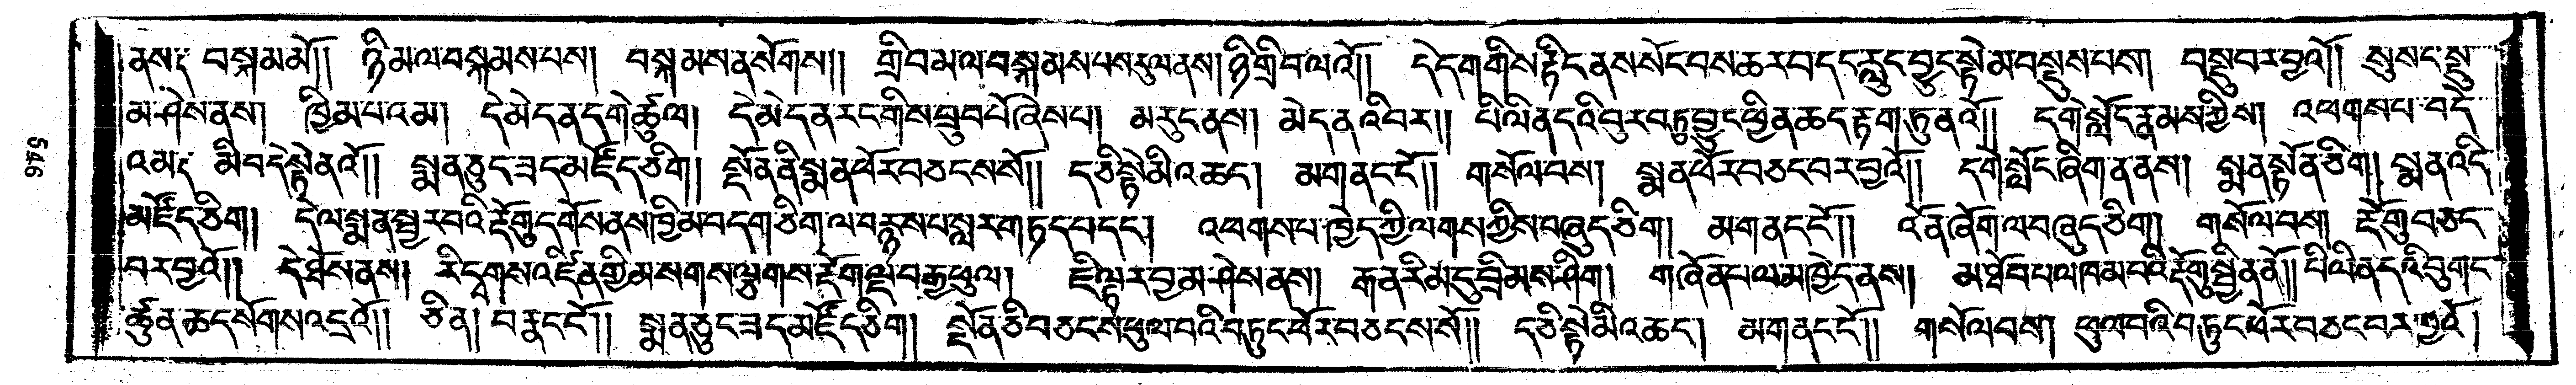ནས༑ བསྐམ་མོ།། ཉི་མ་ལ་བསྐམས་པས། བསྐམས་ན་སོགས།། གྲིབ་མ་ལ་བསྐམས་པས་རུལ་ནས། ཉི་གྲིབ་ལའོ།། དེ་དག་གིས་རྟིང་ནས་སོང་བས་ཆར་བ་དང་རླུང་བྱུང་སྟེ་མ་བསྡུས་པས། བསྡུ་བར་བྱའོ།། སུས་སང་སྡུ་
མ་ཤེས་ནས། ཁྱིམ་པ་འམ། དེ་མེད་ན་དགེ་ཚུལ། དེ་མེད་ན་རང་གིས་བྲུབ་པོ་ཞེས་པ། མ་རུང་ནས། མེད་ན་འབིར།། པི་ལིན་དའི་བུ་རབ་ཏུ་བྱུང་ཕྱིན་ཆད་རྟག་ཏུ་ནའོ།། དགེ་སློང་རྣམས་ཀྱིས། འཕགས་པ་བདེ་
འམ༑ མི་བདེ་སྟེ་ནའོ།། སྨན་ཅུང་ཟད་མཛོད་ཅིག། སྔོན་ནི་སྨན་ཕོར་བཅངས་སོ། །ད་ཅི་སྟེ་མི་འཆང་། མ་གནང་ངོ།། གསོལ་བས། སྨན་ཕོར་བཅད་བར་བྱའོ།། དགེ་སློང་ཞིག་ན་ནས། སྨན་སྟོན་ཅིག། སྨན་འདི་
མཛོད་ཅིག། དེ་ལ་སྨན་སྦྱར་བའི་རྡོ་གུ་དགོས་ནས་ཁྱིམ་བདག་ཅིག་ལ་བརྙས་པ་སླར་གཏད་པ་དང་། འཕགས་པ་ཁྱེད་ཀྱི་ལགས་ཀྱིས་བཞུད་ཅིག། མ་གནང་ངོ།། འོ་ན་ཞོག་ལ་བཞུད་ཅིག། གསོལ་བས། རྡོ་གུ་བཅད་
བར་བྱའོ།། དེ་ཐོས་ནས། རི་དྭགས་འཛིན་གྱི་མ་ས་གས་ལྕགས་རྡོག་ལྔ་བརྒྱ་ཕུལ། ཇི་ལྟར་བྱ་མ་ཤེས་ནས། རྒན་རིམ་དུ་བྲིམས་ཤིག། གཞོན་པ་ལ་མཁྱེད་ནས། མ་ཐོབ་པ་ལ་ཁམ་པའི་རྡོ་གུ་སྦྱིན་ནོ།། པི་ལིན་དའི་བུ་གང་
ཚུན་ཆད་སོགས་འདྲའོ།། ཅི་ན། བརྣང་ངོ།། སྨན་ཅུང་ཟད་མཛོད་ཅིག། སྔོན་ཅི་བཅངས་ཕུལ་བའི་བཏུང་ཕོར་བཅངས་སོ།། ད་ཅི་སྟེ་མི་འཆང་། མ་གནང་ངོ།། གསོལ་བས། ཕུལ་བའི་བཏུང་ཕོར་བཅང་བར་བྱའོ།